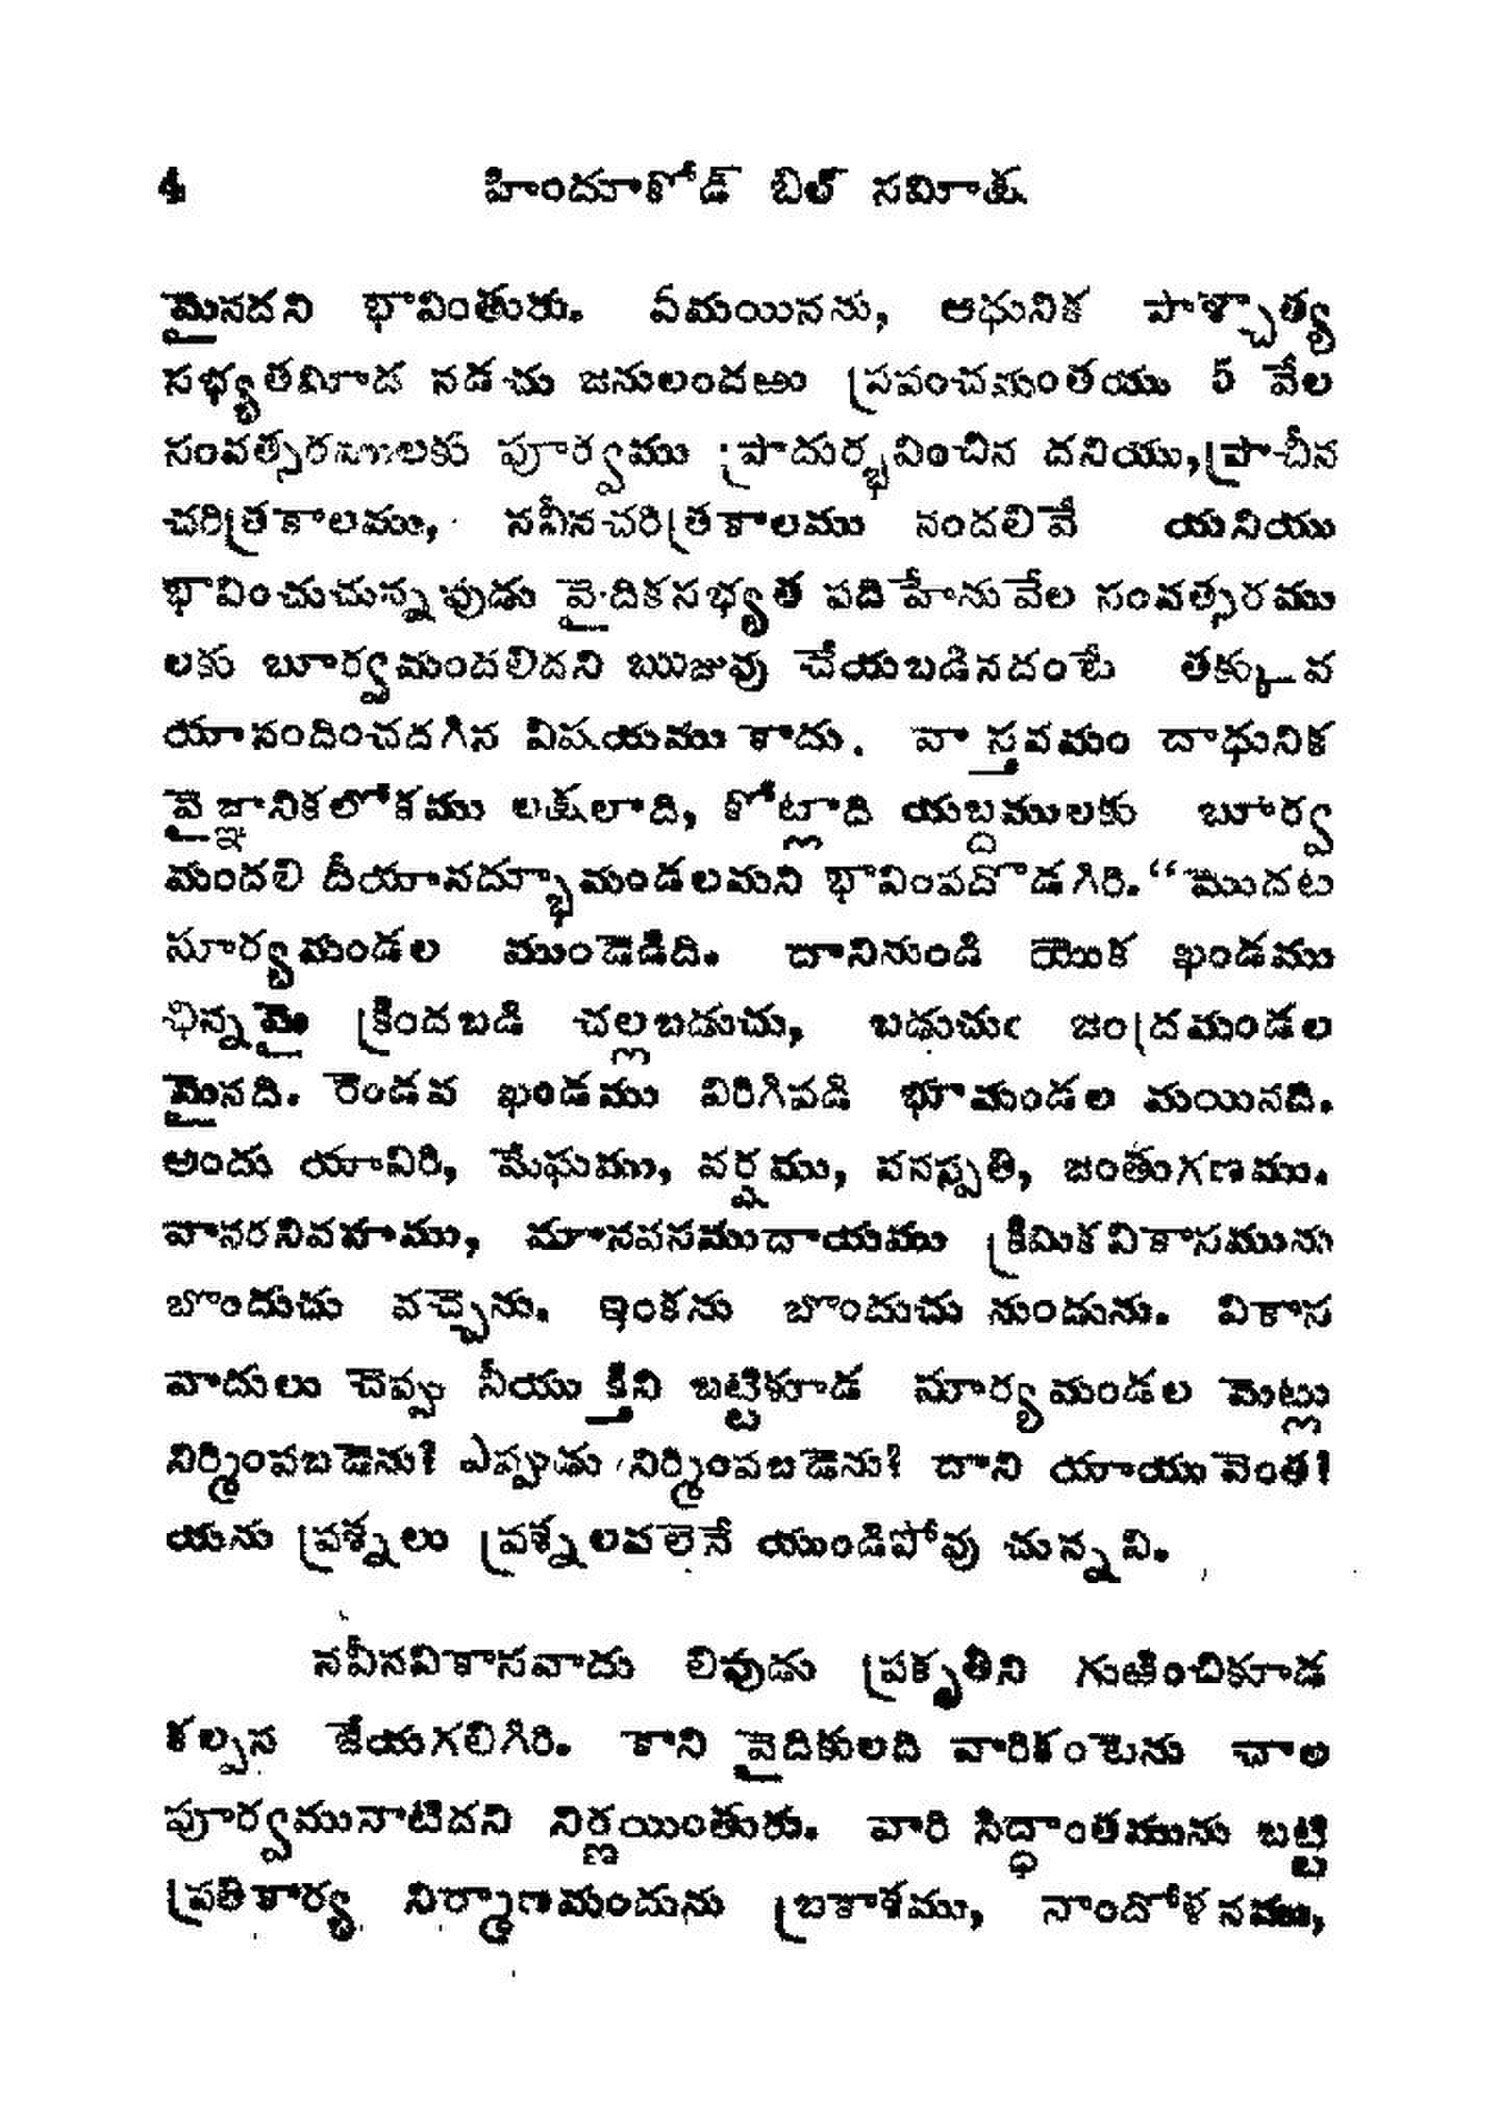మైనదని భావింతురు. ఏమయినను, ఆధునిక పాశ్చాత్య
సభ్యతమీడ నడచు జనులందఱు ప్రపంచమంతయు 5 వేల
సంవత్సరములకు పూర్వము ప్రాదుర్భవించిన దనియు, ప్రాచీన
చరిత్రకాలము, నవీన చరిత్రకాలము నందలివేయనియు
భావించుచున్నవుడు వైదిక సభ్యత పదిహేను వేల సంవత్సరము
లకు బూర్వమందలిదని ఋజువు చేయబడినదంటే
యానందించదగిన విషయము కాదు. వాస్తవమం దాధునిక
వైజ్ఞానికలోకము లక్షలాది, కోట్లాది యబ్దములకు బూర్వ
మందలి దీయావ ద్భూమండలమని భావింపదొడగిరి. “మొదట
సూర్యమండల ముండెడిది. దానినుండి యొక ఖండము
ఛిన్నమై క్రిందబడి చల్లబడుచు, బడుచుఁ జంద్రమండల
మైనది. రెండవ ఖండము విరిగిపడి భూమండల మయినది.
అందు యావిరి, మేఘము, వర్షము, వనస్పతి, జంతుగణము.
వానరనివహము, మానవసముదాయము , క్రిమిక వికాసమును
బొందుచు వచ్చెను. ఇంకను బొందుచు నుండును. వికాస
వాదులు చెప్పు నీయు క్తిని బట్టికూడ సూర్యమండల మెట్లు
నిర్మింపబడెను? ఎప్పుడు నిర్మింపబడెను? దాని యాయువెంత!
యను ప్రశ్నలు ప్రశ్నలవలెనే యుండిపోవు చున్నవి.
.
నవీన వికాస వాదు లివుడు ప్రకృతిని గుఱించికూడ
కల్పన జేయగలిగిరి. కాని వైదికులది వారికంటెను చాల
పూర్వమునాటిదని నిర్ణయింతురు. వారి సిద్ధాంతమును బట్టి
ప్రతికార్య నిర్మాణమందును బ్రకాశము, నాందోళనము,